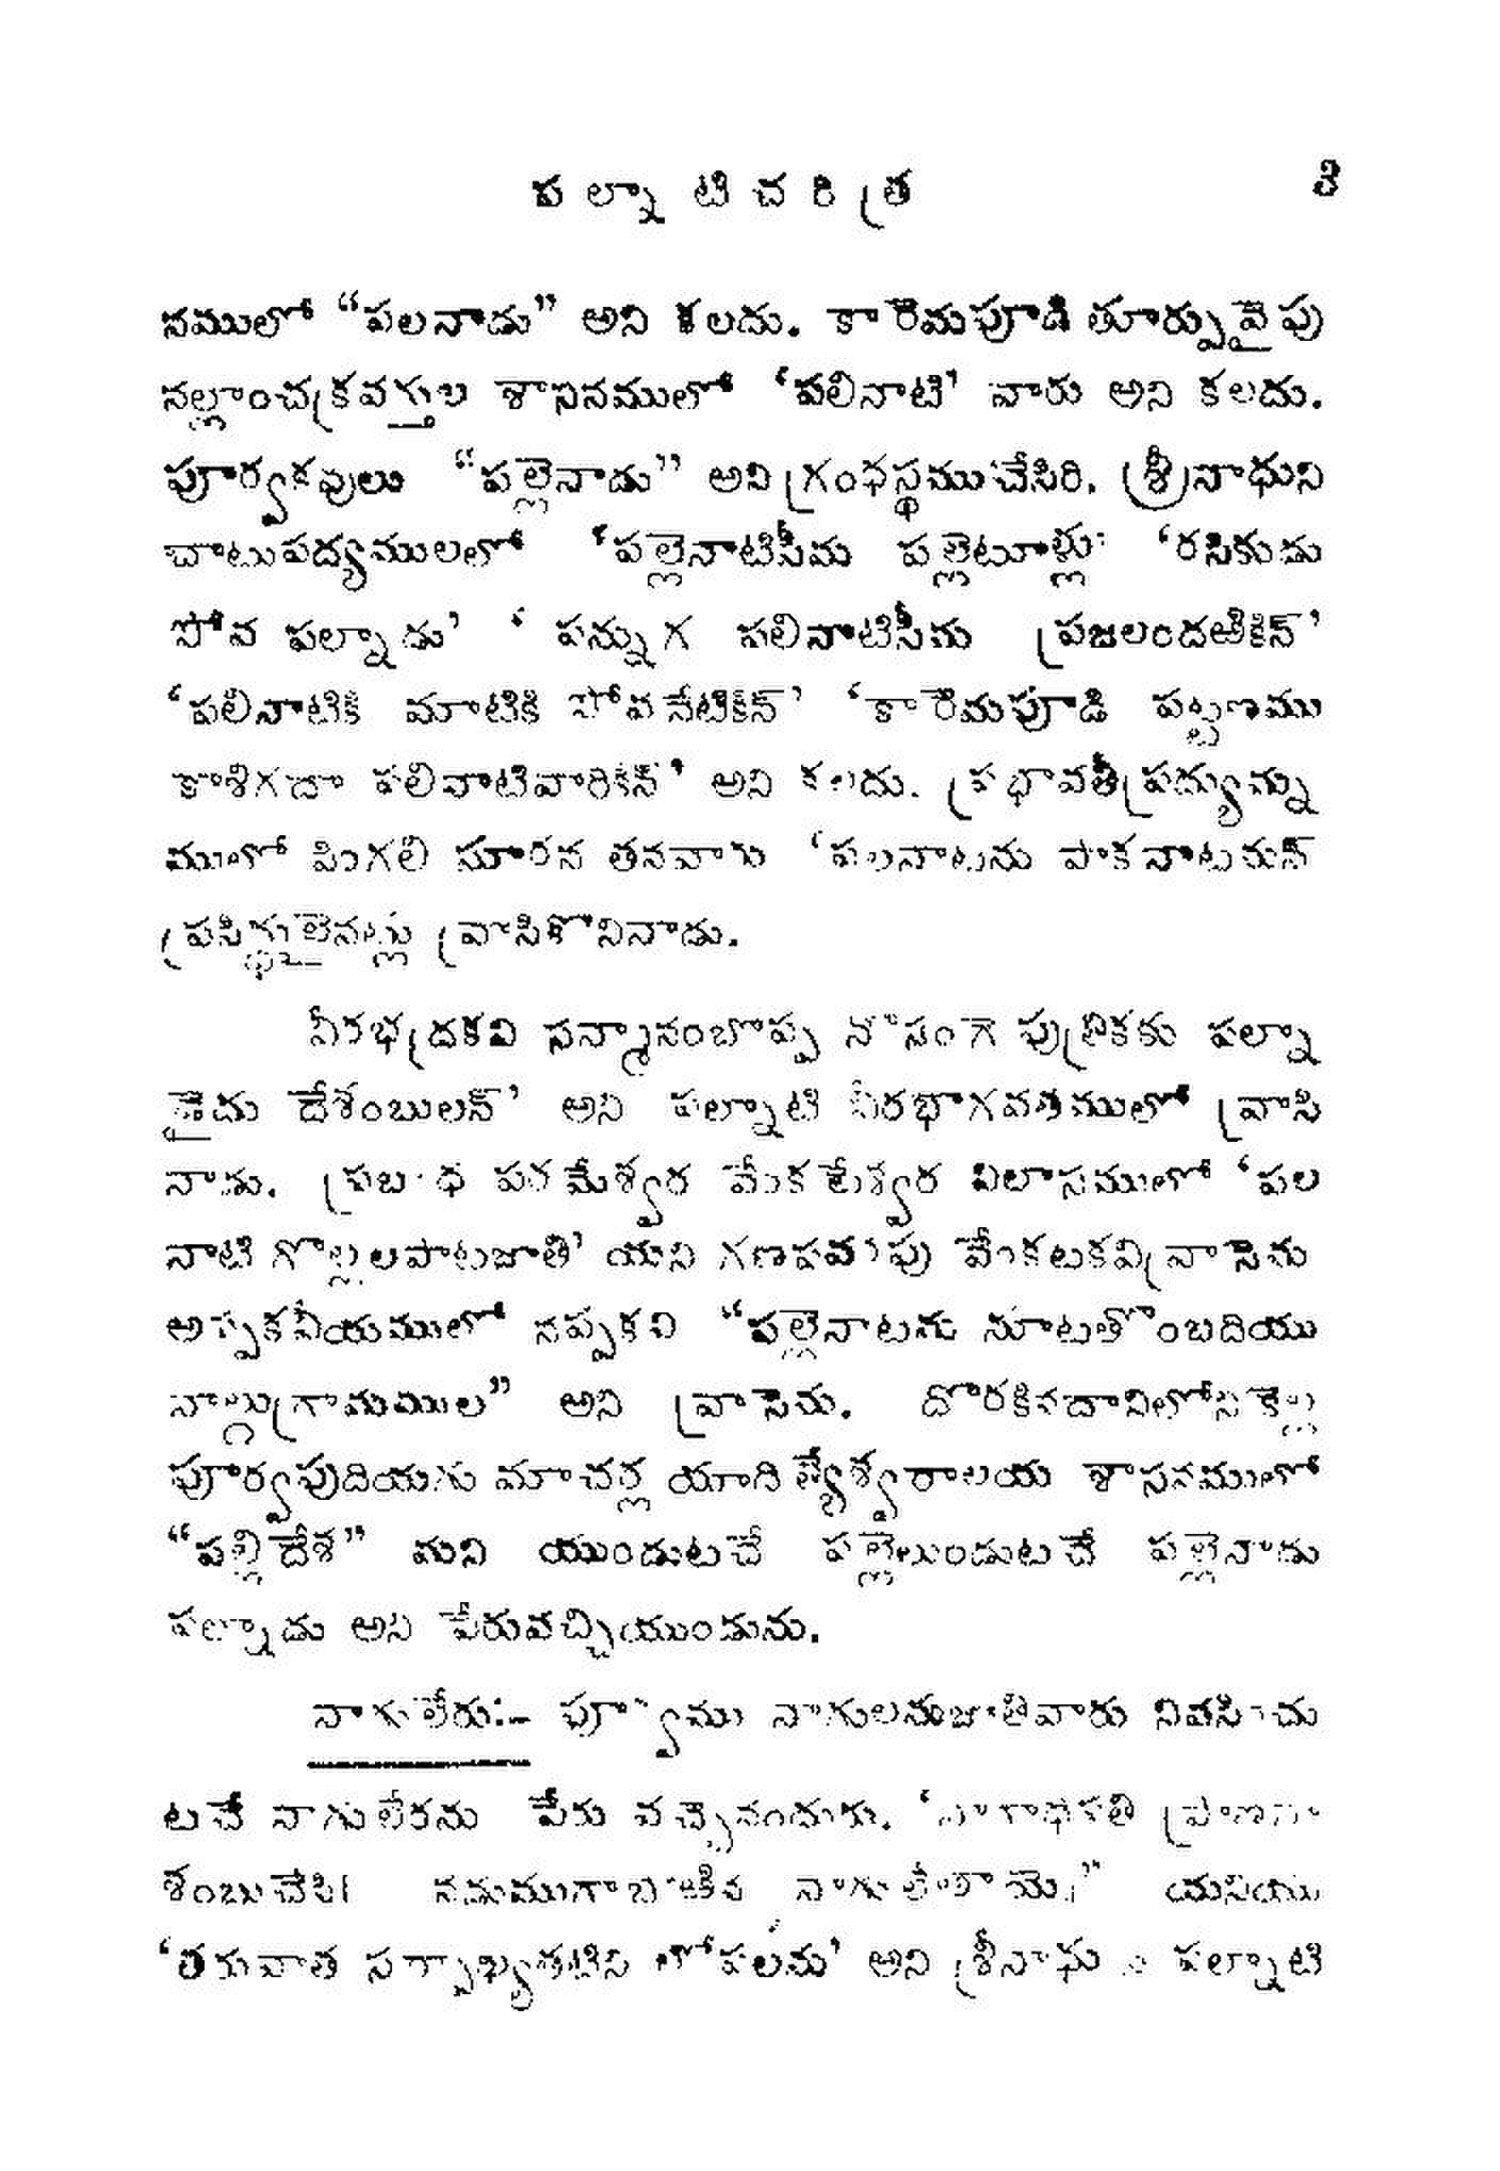నములో "పలనాడు" అని కలదు. కారెమపూడి తూర్పువైపు
నల్లాంచక్రవర్తుల శాసనములో 'పలినాటి' వారు అని కలదు.
పూర్వకవులు "పల్లెనాడు" అని గ్రంధస్థము చేసిరి, శ్రీనాధుని
చాటుపద్యములలో 'పల్లెనాటిసీమ పల్లెటూళ్లు: 'రసికుడు
పోవ పల్నాడు' ' పన్నుగ పలినాటిసీను ప్రజలందఱికిన్'
'పలినాటికి మాటికి పోవనేటికిన్' 'కారేమపూడి పట్టణము
కాశిగదా పలివాటివారికన్' అని కలదు. ప్రభావతీ ప్రద్యుమ్ను
ములో పింగలి సూరన తనవారు 'పలనాటను పాకనాటనున్
ప్రసిద్ధులైనట్లు వ్రాసికొనినాడు.

వీరభద్రకవి సన్మానంబొప్ప నొసంగె పుత్రికకు పల్నాడైదు 
దేశంబులన్' అని పల్నాటి వీరభాగవతములో వ్రాసి
నాడు. ప్రబంధ పరమేశ్వర వేంకటేశ్వర విలాసములో 
'పలనాటి గొల్లలపాటజాతి' యని గణపవరపు వేంకటకవి వ్రాసెను
అప్పకవీయములో నప్పకవి "పల్లెనాటను నూటతొంబదియు
నాలుగ్రామముల” అని వ్రాసెను. దొరకినదానిలోనికెల్ల 
పూర్వపుదియగు మాచర్ల యాదిత్యేశ్వరాలయ శాసనములో
“పల్లి దేశ” మని యుండుటచే పల్లెలుండుటచే పల్లెనాడు
పల్నాడు అని పేరు వచ్చియుండును.

నాగులేరు:- పూర్వము నాగులను జాతివారు నివసించు
టచే నాగులేరను పేరు వచ్చెనందురు. 'నాగాధిపతి ప్రాణనాశంబుచేసి 
నడుముగాబాఱిన నాగులేఱాయె" యనియు 'తరువాత సర్పాఖ్యతటిని 
లోపలను' అని శ్రీనాధుడు పల్నాటి